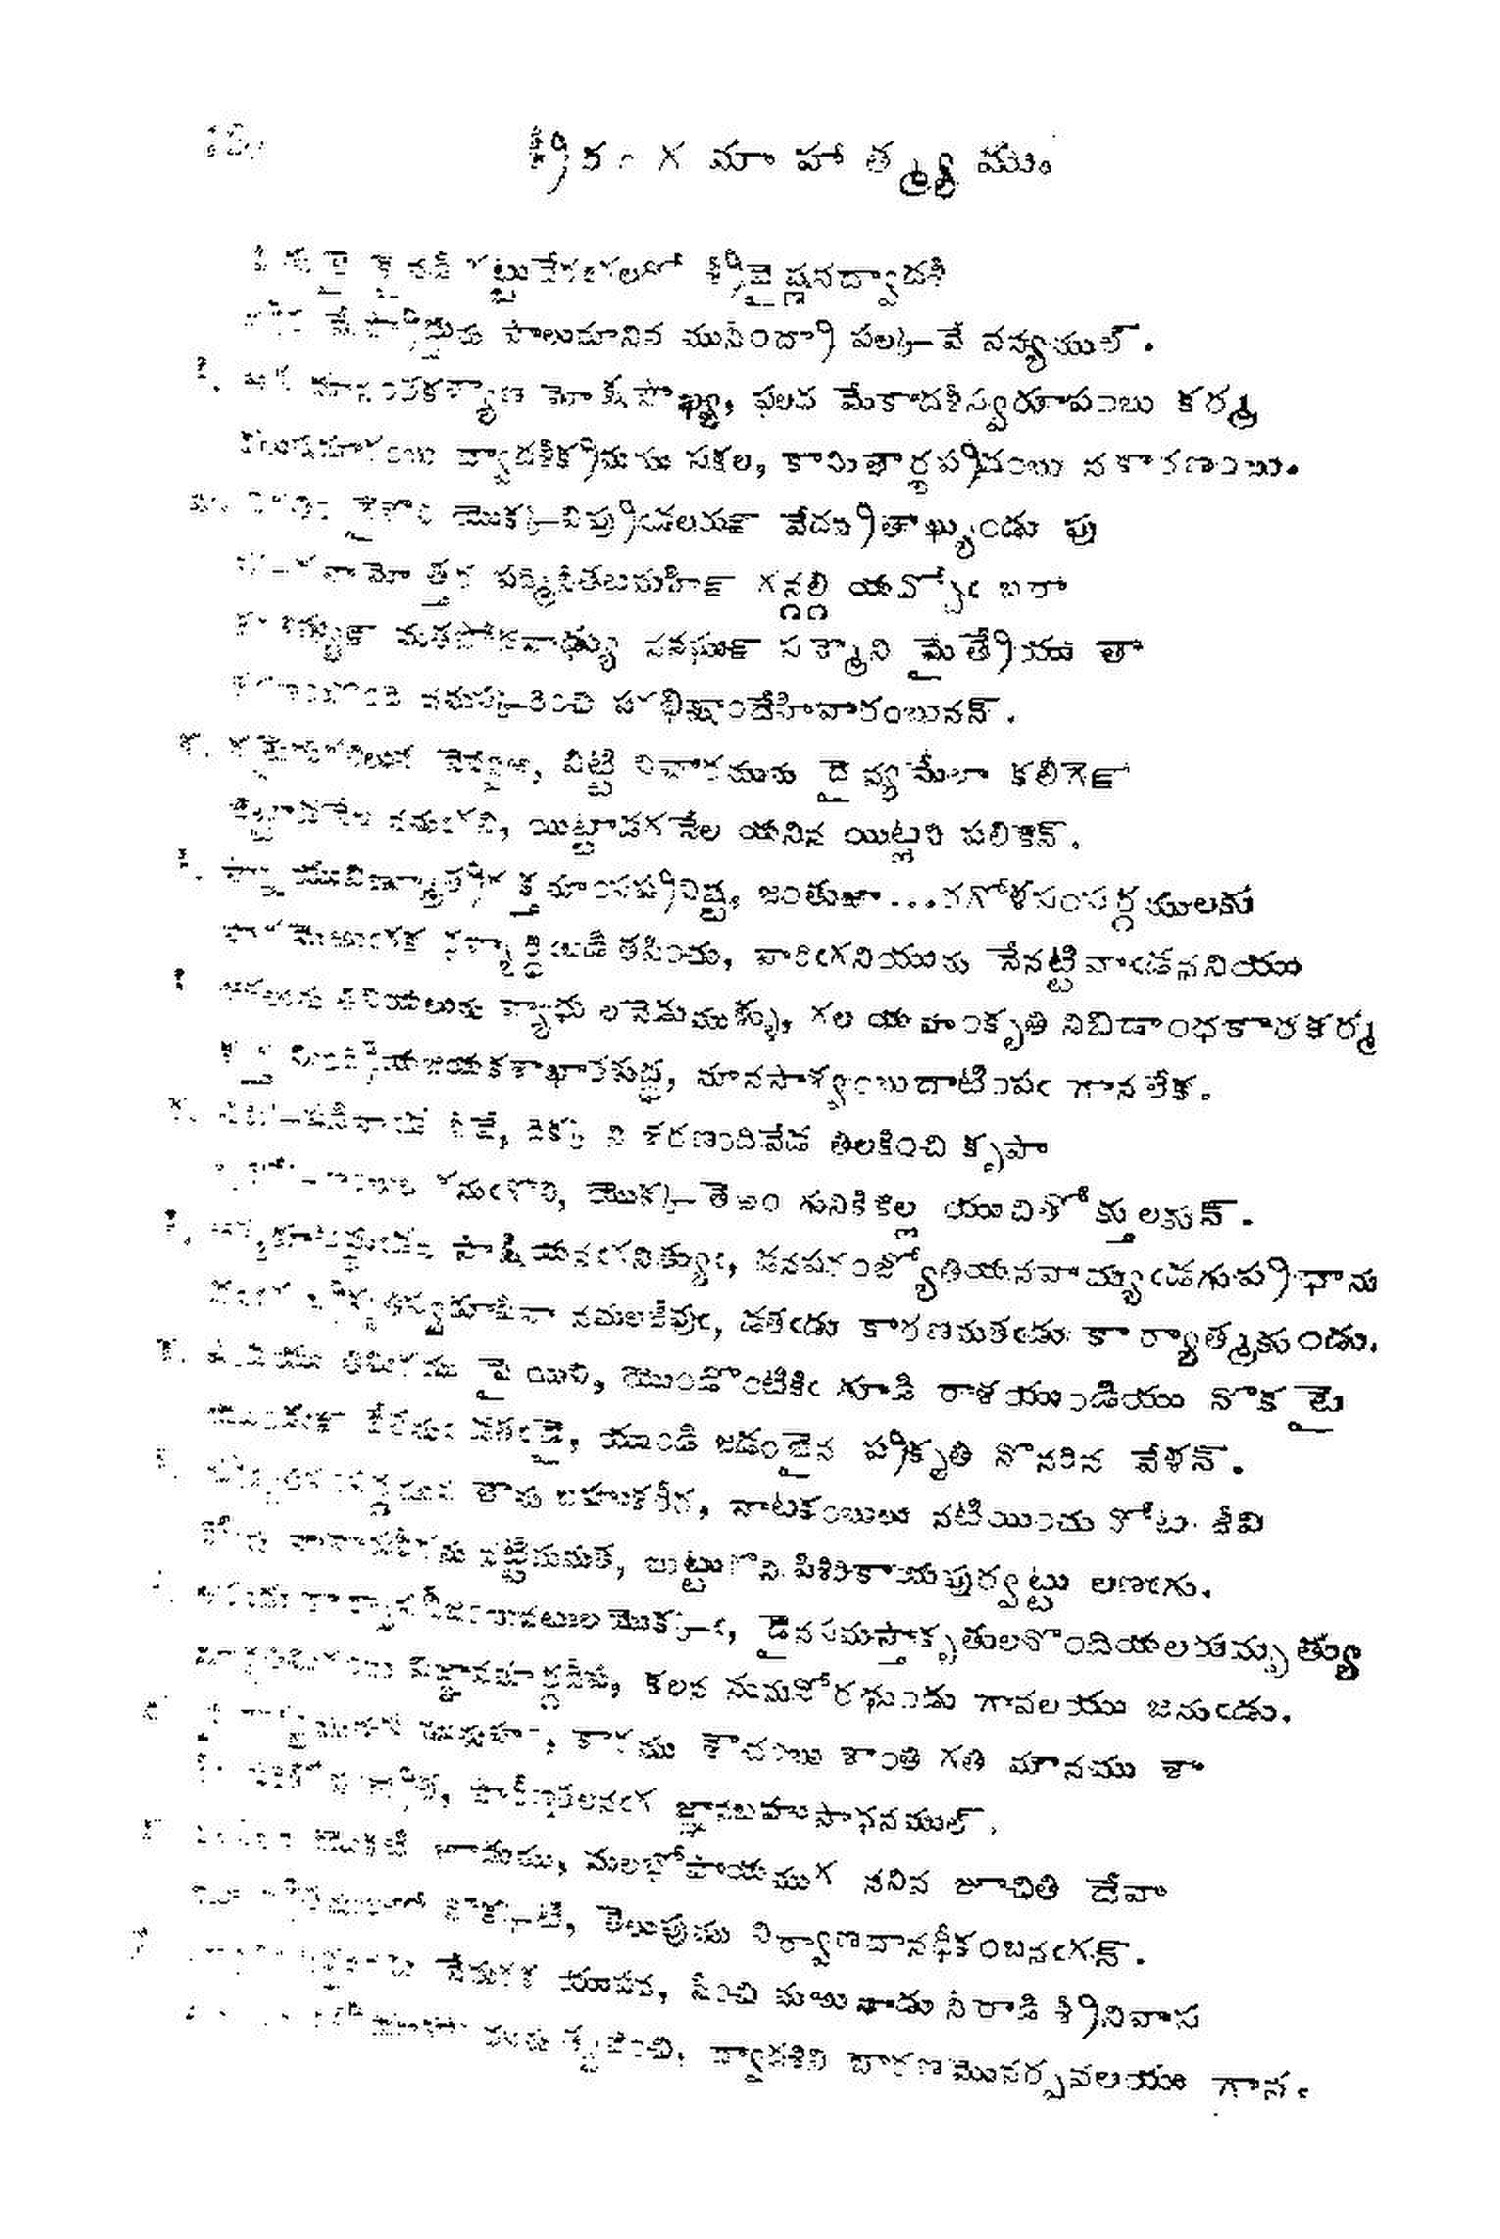షితులై కైవడి గట్టు చేరగలరో శ్రీవైష్ణవద్వాదశీ
 వ్రత మేప్రొద్దును పాలుమానిన మునీంద్రా పల్కవే వన్యముల్.
గీ. అక్షయానంతకళ్యాణ మోక్షసౌఖ్య, ఫలద మేకాదశీస్వరూపంబు కర్మ
 కలుషదూరంబు ద్వాదశీక్రమము సకల, కామితార్థప్రదంబు నకారణంబు.
మ. నిరతిం గైకొని యొక్కవిప్రుఁడలరున్ వేదవ్రతాఖ్యుండు పు
 ష్కరనామోత్తర పద్మినీతటమహిన్ గన్గల్గి యచ్చోఁ బరా
 శరశిష్యున్ సుతపోధనాఢ్యు ననఘున్ సన్మౌని మైత్రేయు తా
 శరణంబొంది నమస్కరించి పరభిక్షాందేహివారంబునన్.
క. కట్టెదుట నిలువ నెవ్వఱ, విట్టి విచారమును దైన్యమేలా కలిగెన్
 జిట్టాడవేల ననుగఁని, యిట్టాడగనేల యనిన యిట్లని పలికెన్.
గీ. స్నాయువిణ్మూత్రరక్తమాంసప్రవిష్ట, జంతుజా....రగోళసంసర్గములకు
 సార మెఱుఁగక భవ్యార్థిఁ బడి తపించు, వారిఁగనియును నేనట్టివాఁడవనియు.
గీ. ఆశలును తివియలును వ్యాధు లనెడిముళ్ళు, గల యహంకృతి నిబిడాంధ కారకర్మ
 కర్త నింద్రియజయకశాఖాతశుద్ధ, మానసాశ్వంబు దాటింపఁ గానలేక.
క. చిక్కుపడినాఁడ నీవే, దిక్కని శరణంది వేడ తిలకించి కృపా
 దృక్కోణంబుల కనుఁగొని, యొక్కతెఱం గునికికెల్ల యుచితోక్తులకున్.
గీ. ఆత్మకూటస్థుఁ డన సాక్షి యనఁగ నిత్యుఁ, డన పరంజ్యోతి యన వాచ్యుఁ డగు ప్రధానుఁ
 డనఁగ బ్రకృతిస్వరూపినా నమలజీఁవు, డతఁడు కారణ మతఁడు కార్యాత్మకుండు.
క. ఎండయు తిమిరము పైయివి, యొండొంటికిఁ గూడి రాశయుండియు నొకటై
 యుండున్ జేతనుఁ డతఁడై, యుండి జడంబైన ప్రకృతి నొనరిన వేళన్.
గీ. ప్రకృతిసంసర్గమున తాను బహుశరీర, నాటకంబులు నటియించు చోట జీవి
 ౙారు నానారువీకను నట్టిమమత, బుట్టుకొని పిశిరికాయపుర్వట్టు లణఁగు.
గీ. అరయ కార్పాసబీజంబునటుల యొక్కఁ, డైన సమస్తాకృతులనొందియలరు మృత్యు
 మార్గతిమిరంబు విజ్ఞానమార్గదీప, కలన సుమనోరథుండు గావలయు జనుఁడు.
క. బైరాగివై మునుగు మునుహం, కారము శౌచంబు శాంతి గతి మౌనము శా
 రీరపరిశోషితవ్రత, పారీణత లనఁగ జ్ఞానబహుసాధనముల్.
క. తలపఁగ యొకటి జూడుము, సులభోపాయముగ ననిన జూచితి దేవా
 యిల వ్రతములలో నొక్కటి, తెలుపుము నిర్వాణదానధీకంబనఁగన్.
గీ. మార్గశిరశుద్ధనవమి నేమరక యుపవ, సించి మఱునాడు నీరాడి శ్రీనివాస
 యేకాదశిని యాహారమును త్యజించి, ద్వాదశిని బారణ మొనర్పవలయు గాన.